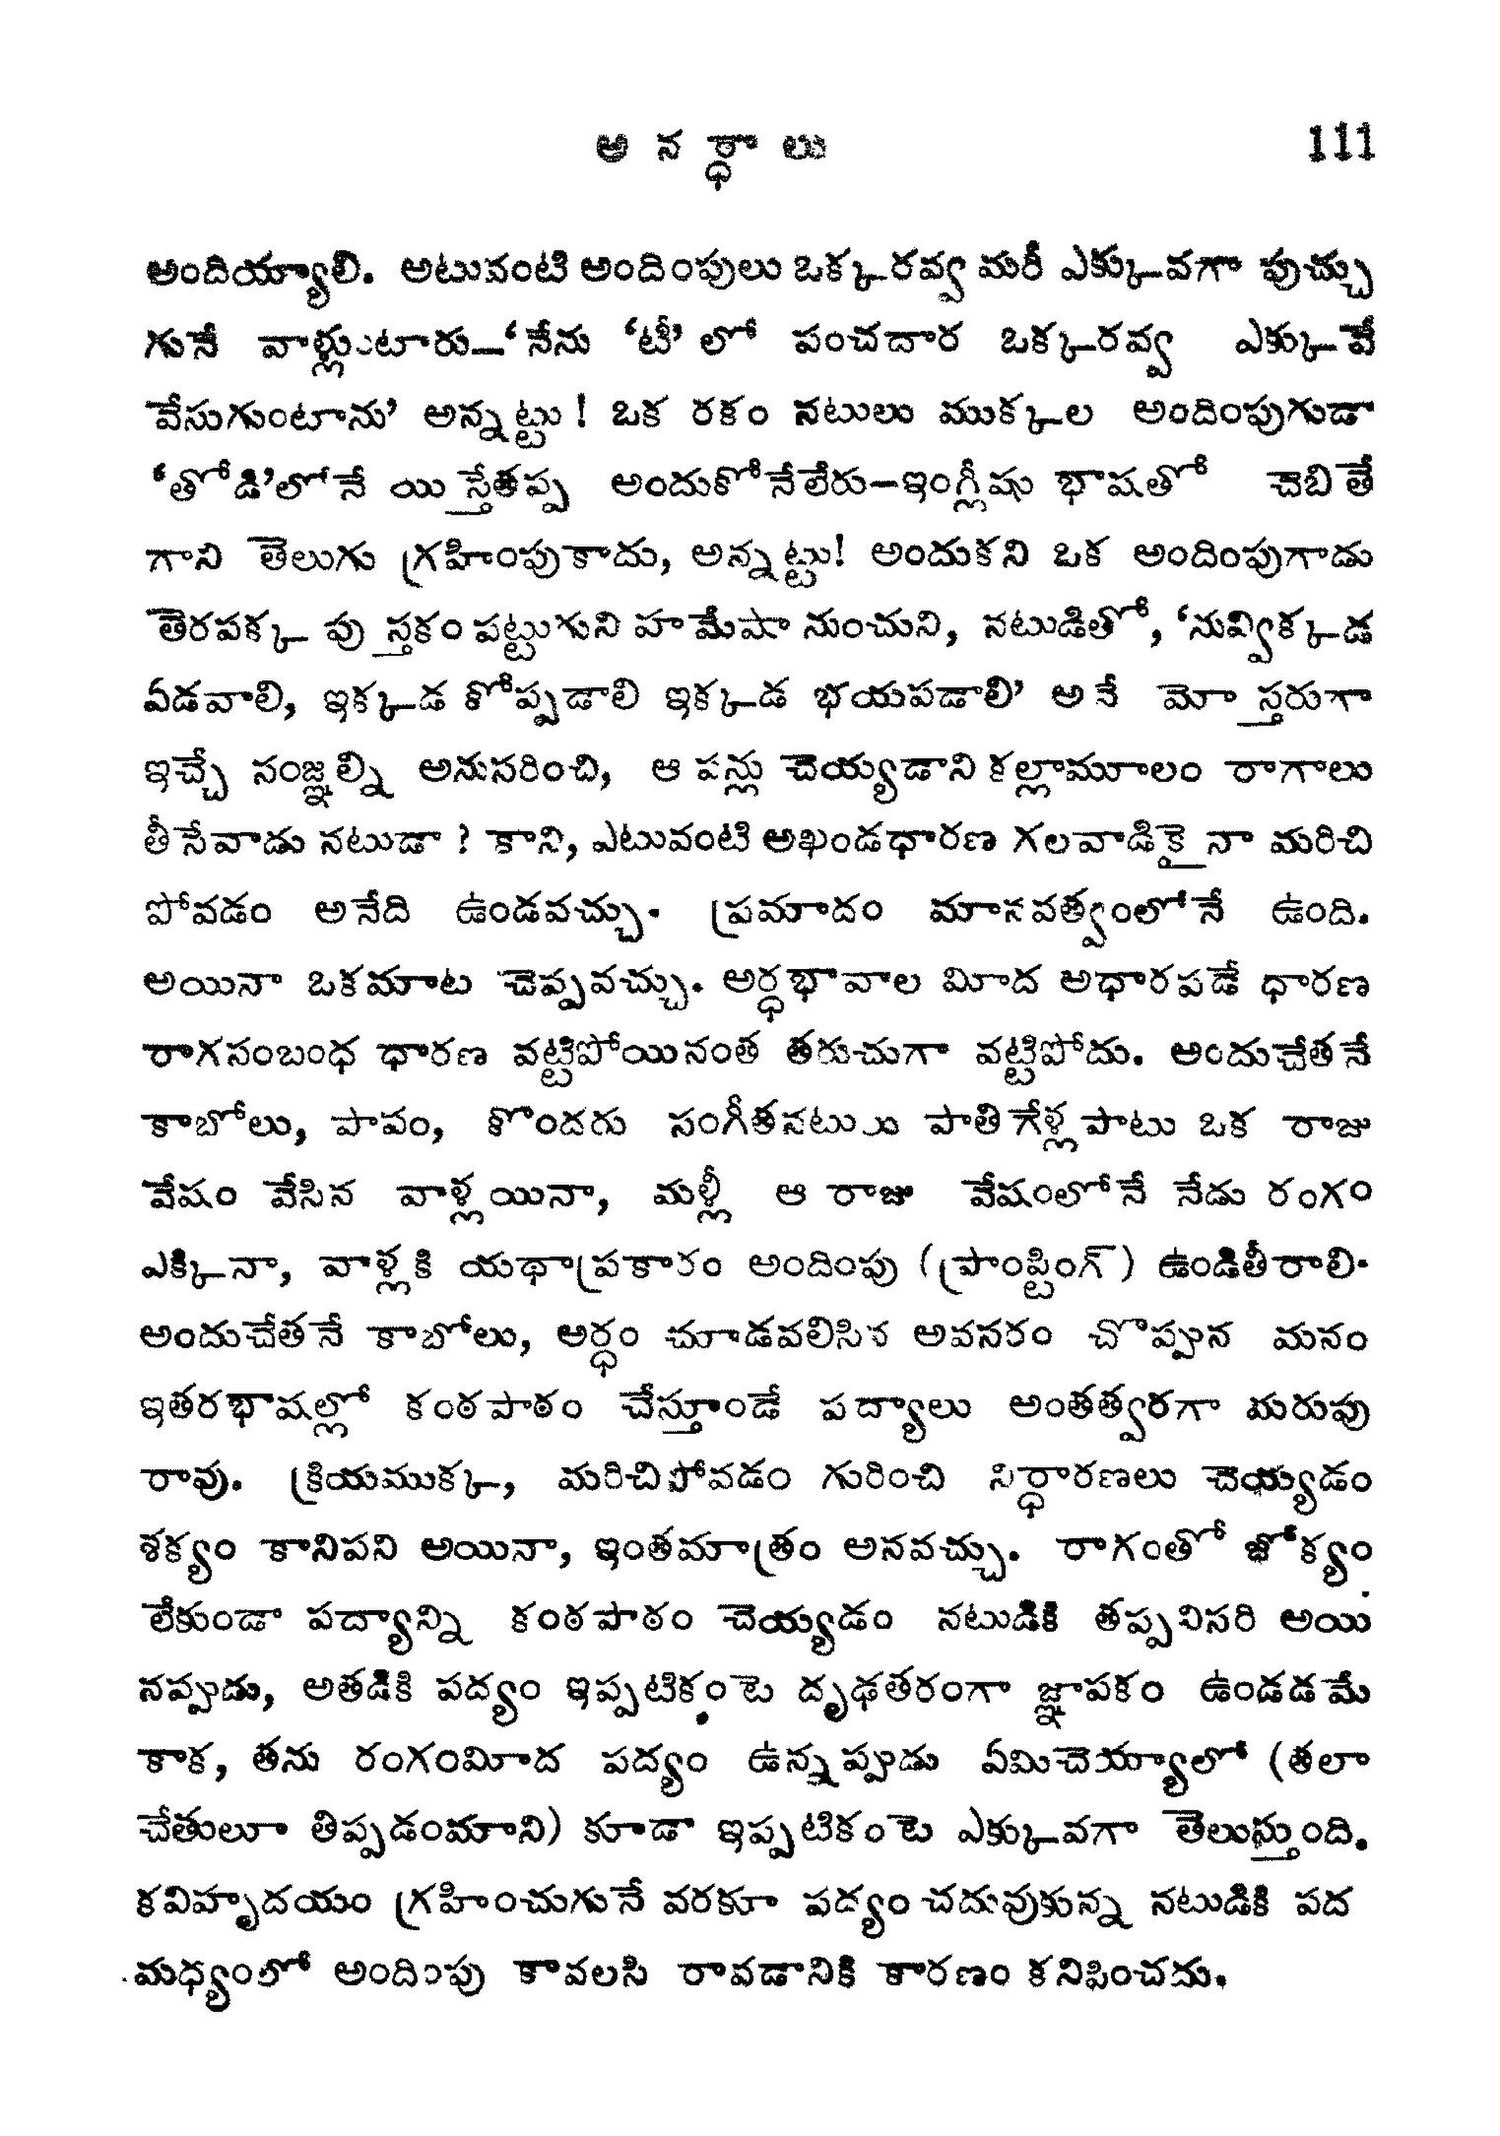అందియ్యాలి. అటువంటి అందింపులు ఒక్క రవ్వ మరీ ఎక్కువగా పుచ్చు
గునే వాళ్లుంటారు..' నేను 'టీ' లో పంచదార ఒక్కరవ్వ ఎక్కువే
వేసుగుంటాను' అన్నట్టు! ఒక రకం నటులు ముక్కల అందింపుగుడా
‘తోడి'లోనే యిస్తేతప్ప అందుకోనేలేరు - ఇంగ్లీషు భాషలో చెబితే
గాని తెలుగు గ్రహింపుకాదు, అన్నట్టు! అందుకని ఒక అందింపుగాడు
తెరపక్క పుస్తకం పట్టుగుని హమేషా నుంచుని, నటుడితో, 'నువ్విక్కడ
ఏడవాలి, ఇక్కడ కోప్పడాలి ఇక్కడ భయపడాలి' అనే మోస్తరుగా
ఇచ్చే సంజ్ఞల్ని అనుసరించి, ఆ పన్లు చెయ్యడాని కల్లామూలం రాగాలు
తీసేవాడు నటుడా ? కాని, ఎటువంటి అఖండధారణ గలవాడికైనా మరిచి
పోవడం అనేది ఉండవచ్చు. ప్రమాదం మానవత్వంలోనే ఉంది.
అయినా ఒకమాట చెప్పవచ్చు. అర్థభావాల మీద ఆధారపడే ధారణ
రాగసంబంధ ధారణ వట్టిపోయినంత తరుచుగా వట్టిపోదు. అందుచేత నే
కాబోలు, పాపం, కొందరు సంగీతనటులు పాతిగేళ్లపాటు ఒక రాజు
వేషం వేసిన వాళ్లయినా, మళ్లీ ఆ రాజు వేషంలోనే నేడు రంగం
ఎక్కినా, వాళ్లకి యథాప్రకారం అందింపు (ప్రాంప్టింగ్) ఉండితీరాలి.
అందుచేతనే కాబోలు, అర్ధం చూడవలిసిన అవసరం చొప్పున మనం
ఇతరభాషల్లో కంఠపాఠం చేస్తూండే పద్యాలు అంతత్వరగా మరుపు
రావు. క్రియముక్క, మరిచిపోవడం గురించి నిర్ధారణలు చెయ్యడం
శక్యం కానిపని అయినా, ఇంతమాత్రం అనవచ్చు. రాగంతో జోక్యం
లేకుండా పద్యాన్ని కంఠపాఠం చెయ్యడం నటుడికి తప్పనిసరి అయి
నప్పుడు, అతడికి పద్యం ఇప్పటికంటె దృఢతరంగా జ్ఞాపకం ఉండడమే
కాక, తను రంగంమీద పద్యం ఉన్నప్పుడు ఏమిచెయ్యాలో (తలా
చేతులూ తిప్పడంమాని) కూడా ఇప్పటికంటె ఎక్కువగా తెలుస్తుంది.
కవిహృదయం గ్రహించుగునే వరకూ పద్యం చదువుకున్న నటుడికి పద
మధ్యంలో అందింపు కావలసి రావడానికి కారణం కనిపించదు.